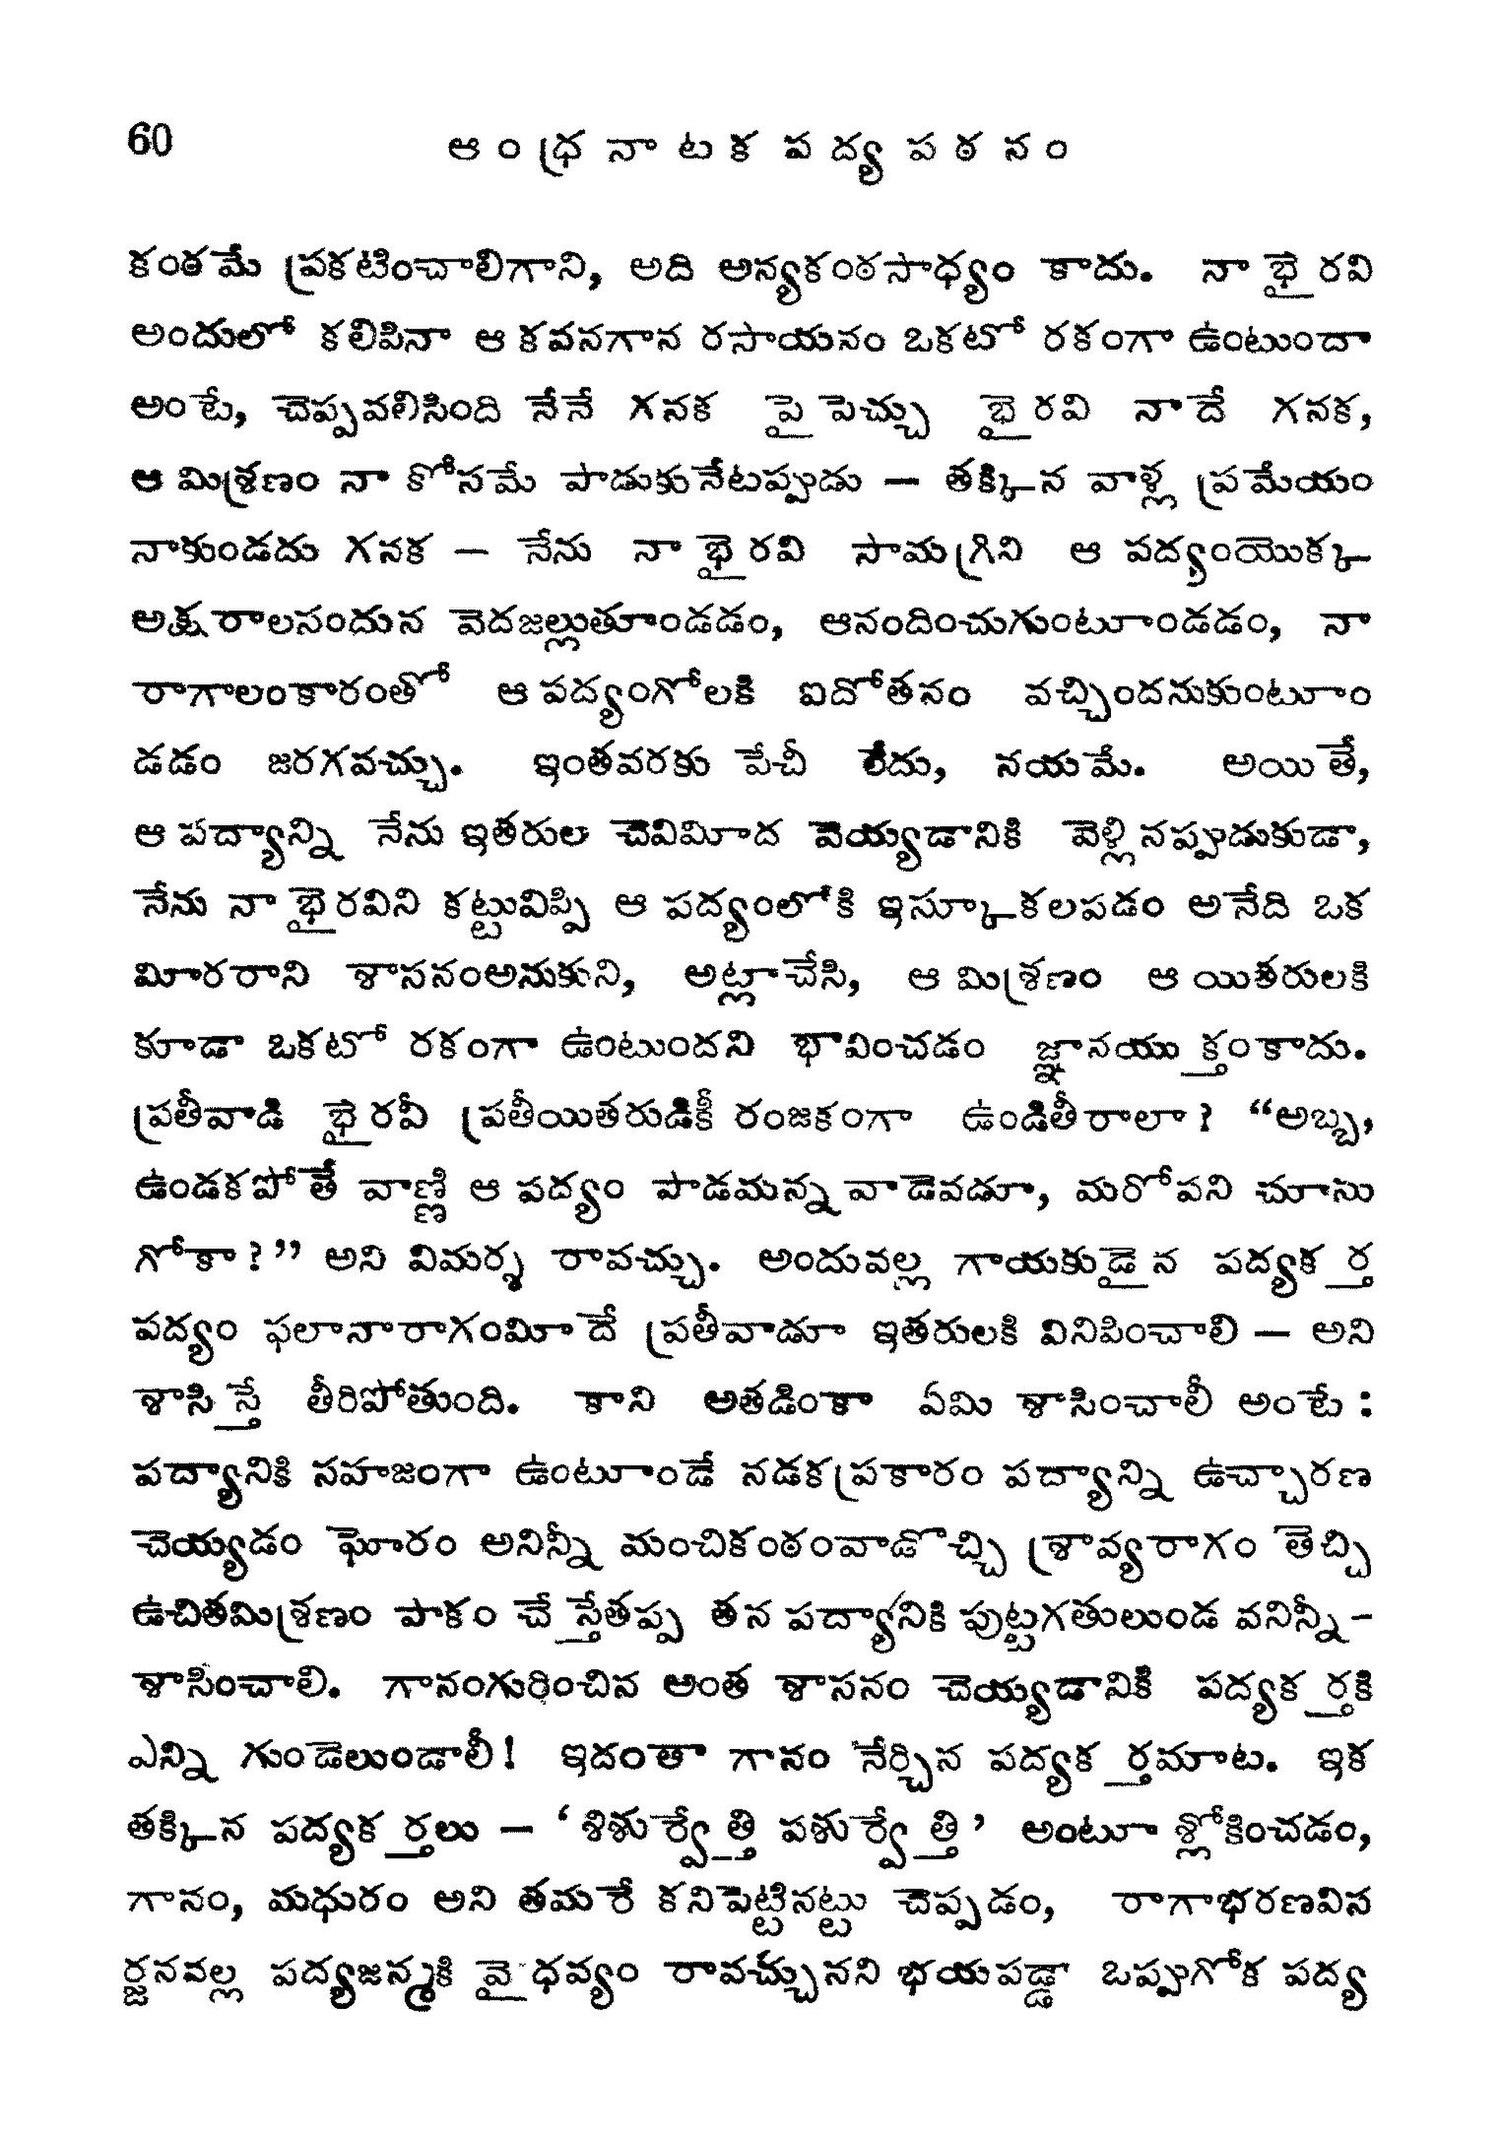కంఠమే ప్రకటించాలిగాని, అది అన్యకంఠసాధ్యం కాదు. నాభైరవి
అందులో కలిపినా ఆ కవనగాన రసాయనం ఒకటో రకంగా ఉంటుందా
అంటే, చెప్పవలిసింది నేనే గనక పై పెచ్చు భైరవి నాదే గనక,
ఆ మిశ్రణం నా కోసమే పాడుకునేటప్పుడు - తక్కిన వాళ్ల ప్రమేయం
నాకుండదు గనక - నేను నా భైరవి సామగ్రిని ఆ పద్యంయొక్క
అక్షరాలసందున వెదజల్లుతూండడం, ఆనందించుగుంటూండడం, నా
రాగాలంకారంతో ఆ పద్యంగోలకి ఐదోతనం వచ్చిందనుకుంటూం
డడం జరగవచ్చు. ఇంతవరకు పేచీ లేదు, నయమే. అయితే,
ఆ పద్యాన్ని నేను ఇతరులు చెవిమీద వెయ్యడానికి వెళ్లినప్పుడుకుడా,
నేను నా భైరవిని కట్టువిప్పి ఆ పద్యంలోకి ఇస్కూకలపడం అనేది ఒక
మీరరాని శాసనంఅనుకుని, అట్లాచేసి, ఆ మిశ్రణం ఆ యితరులకి
కూడా ఒకటో రకంగా ఉంటుందని భావించడం జ్ఞానయుక్తంకాదు.
ప్రతీవాడి భైరవీ ప్రతీయితరుడికీ రంజకంగా ఉండితీరాలా ? "అబ్బ,
ఉండకపోతే వాణ్ణి ఆ పద్యం పాడమన్న వాడెవడూ, మరోపని చూసు
గోకా!” అని విమర్శ రావచ్చు. అందువల్ల గాయకుడైన పద్యకర్త
పద్యం ఫలానారాగంమీదే ప్రతీవాడూ ఇతరులకీ వినిపించాలి - అని
శాసిస్తే తీరిపోతుంది. కాని అతడింకా ఏమి శాసించాలి అంటే :
పద్యానికి సహజంగా ఉంటూండే నడకప్రకారం పద్యాన్ని ఉచ్చారణ
చెయ్యడం ఘోరం అనిన్నీ మంచికంఠంవాడొచ్చి శ్రావ్యరాగం తెచ్చి
ఉచితమిశ్రణం పాకం చేస్తేతప్ప తన పద్యానికి పుట్టగతులుండ వనిన్నీ -
శాసించాలి. గానంగురించిన అంత శాసనం చెయ్యడానికి పద్యకర్తకి
ఎన్ని గుండెలుండాలీ ! ఇదంతా గానం నేర్చిన పద్యకర్తమాట. ఇక
తక్కిన పద్యకర్తలు – 'శిశుర్వేత్తి పశుర్వేత్తి' అంటూ శ్లోకించడం,
గానం, మధురం అని తమరే కనిపెట్టినట్టు చెప్పడం, రాగాభరణవిస
ర్జనవల్ల పద్యజన్మకి వైధవ్యం రావచ్చునని భయపడ్డా ఒప్పుగోక పద్య